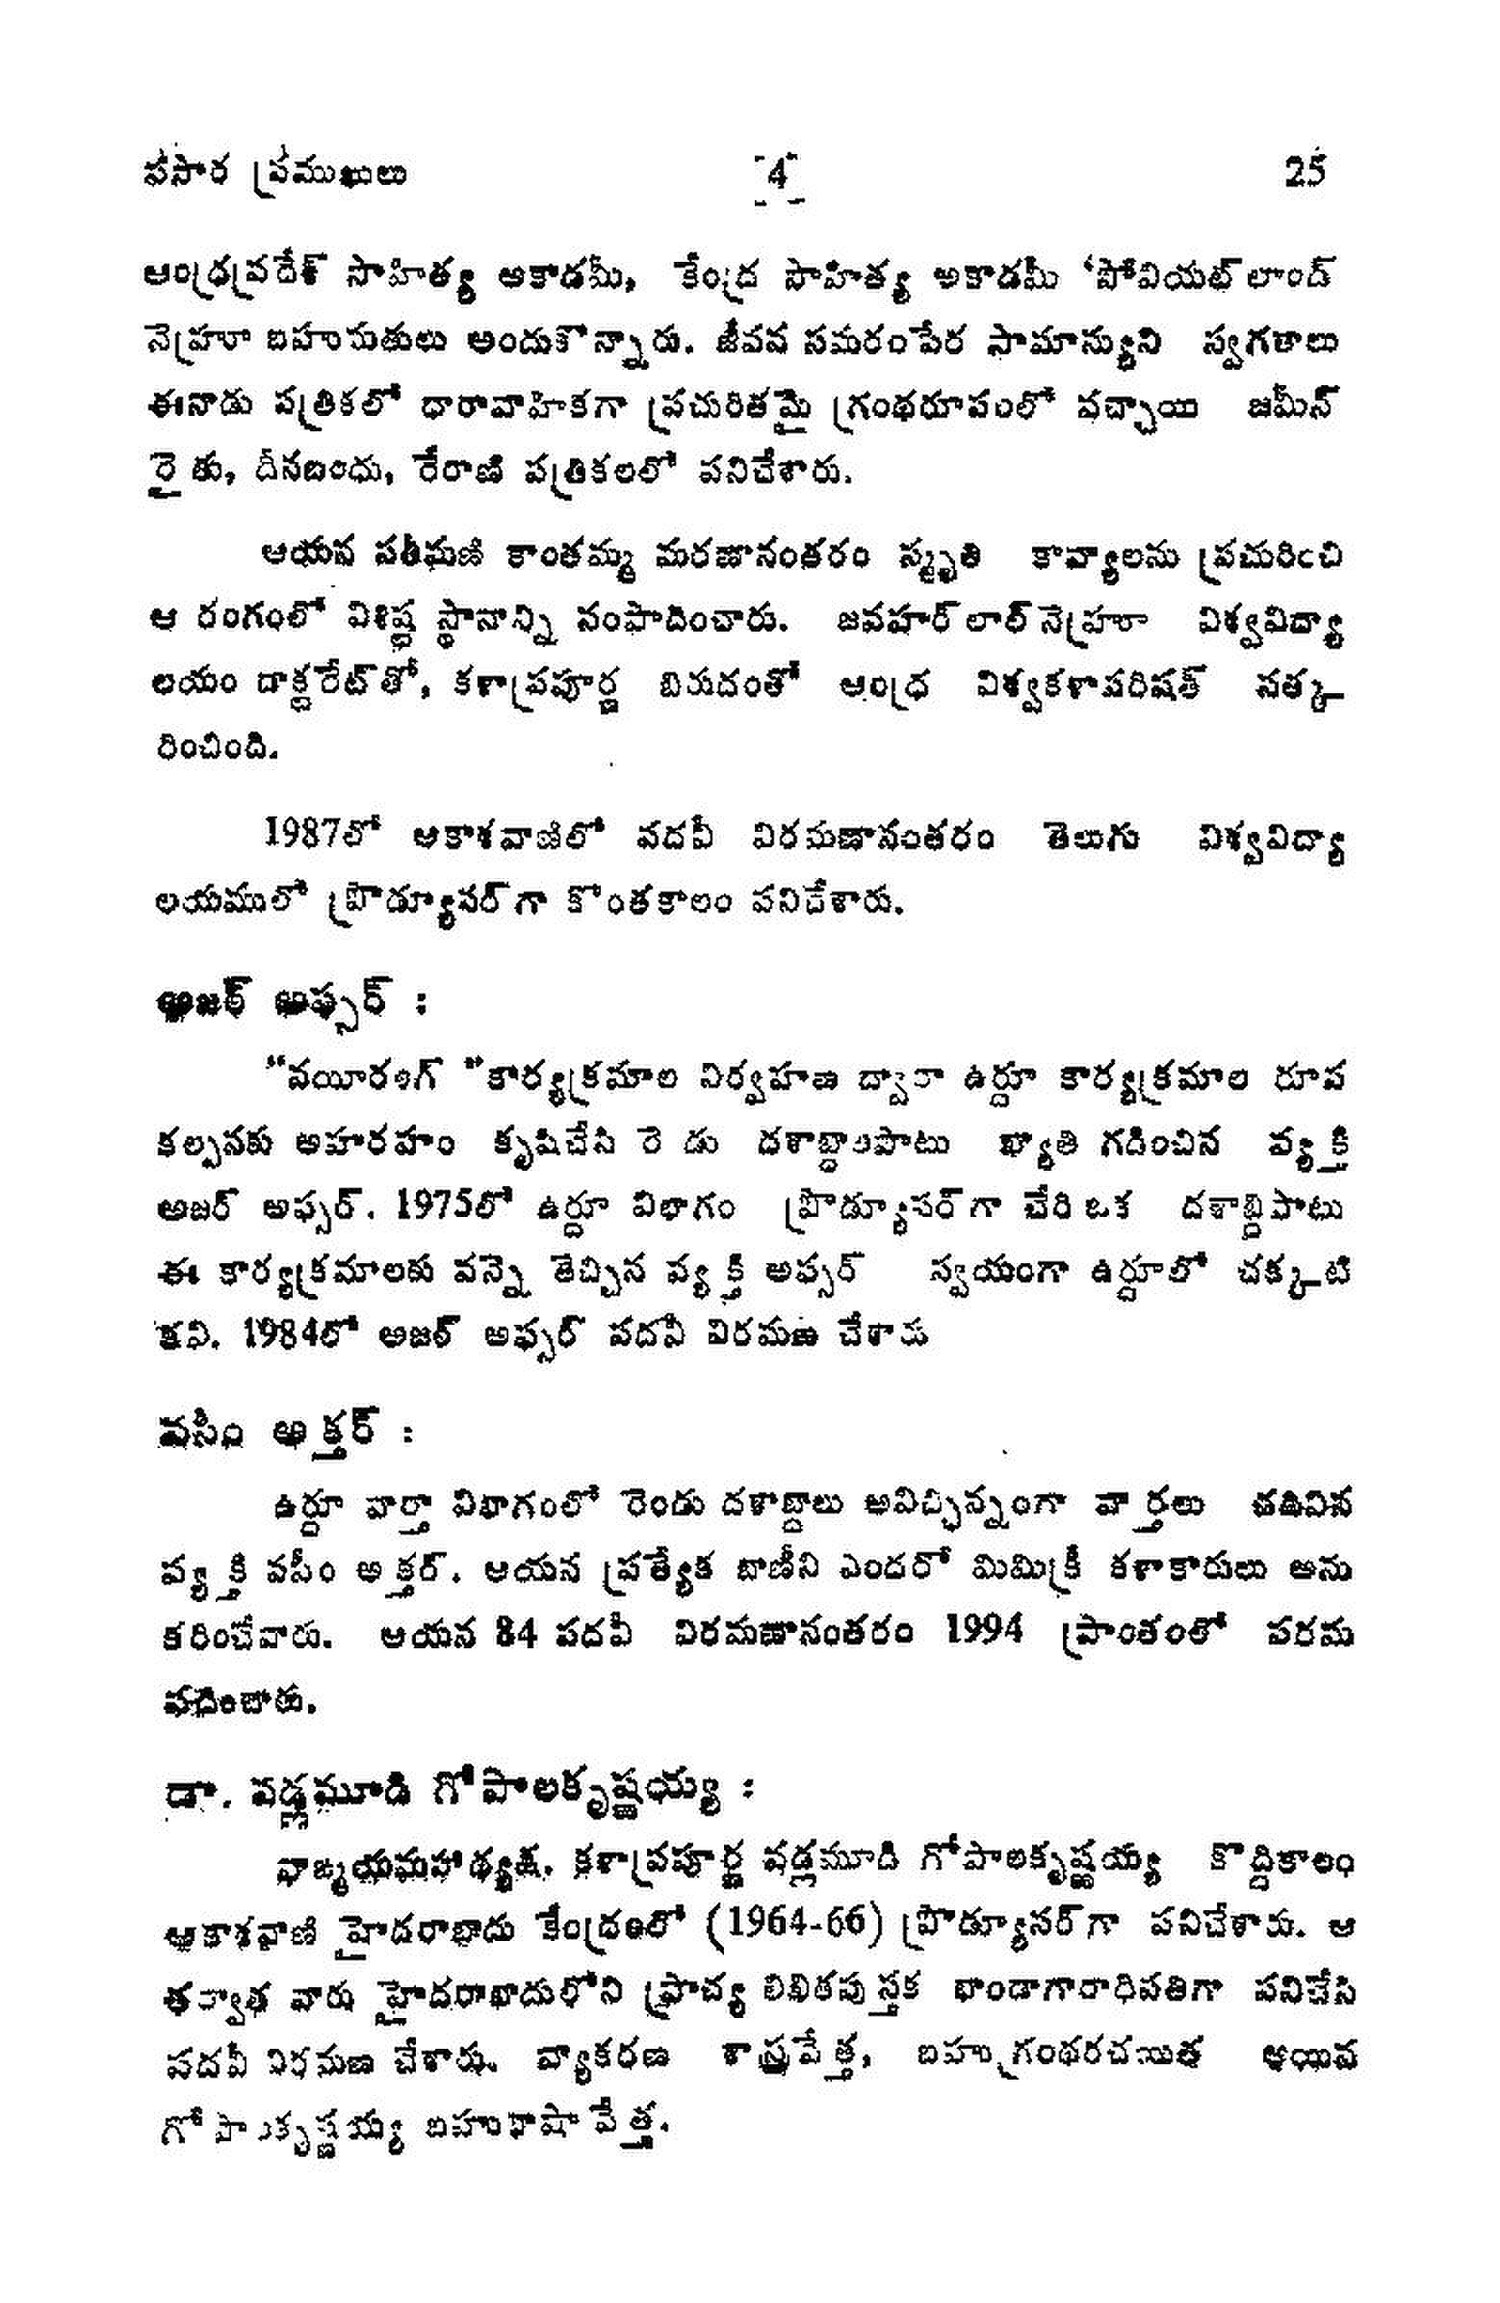ఆంధ్రప్రదేశ్ సాహిత్య అకాడమీ, కేంద్ర సాహిత్య అకాడమీ 'సోవియట్ లాండ్ నెహ్రూ బహుమతులు అందుకున్నారు. జీవన సమరం పేర సామాన్యుని స్వగతాలు ఈనాడు పత్రికలో ధారావాహికగా ప్రచురితమై గ్రంధరూపంలో వచ్చాయి. జమీన్ రైతు, దీనబంధు, రేరాణి పత్రికలలో పని చేశారు.

ఆయన సతీమణి కాంతమ్మ మరణానంతరం స్మృతి కావ్యాలను ప్రచురించి ఆ రంగంలో విశిష్ట స్థానాన్ని సంపాదించారు. జవహర్ లాల్ నెహ్రూ విశ్వ విద్యాలయం డాక్టరేట్ తో, కళాప్రపూర్ణ బిరుదంతో ఆంధ్ర విశ్వకళాపరిషత్ సత్కరించింది.

1987 లో ఆకాశవాణిలో పదవీ విరమణనంతరం తెలుగు విశ్వవిద్యాలయములో ప్రొడ్యూసర్ గా కొంత కాలం పని చేశారు.

నయీరంగ్ కార్య క్రమాల నిర్వహణ ద్వారా ఉర్దూ కార్య క్రమాల రూప కల్పనకు అహరహం కృషి చేసి రెండు దశాబ్దాల పాటు ఖ్యతి గడించిన వ్వక్తి అజల్ అఫ్సర్. 1975 లో ఉర్దూ విభాగం ప్రొడూసర్ గా చేరి ఒక దశాబ్ది పాటు ఈ కార్య క్రమాలకు వన్నె తెచ్చిన వ్యక్తి అప్సర్. స్వయంగా ఉర్దూలో చక్కటి కవి. 1884 లో అజల్ అఫర్ పదవీ విరమణ చేశారు.

ఉర్దూ వార్తా విభాగంలో రెండు దశాబ్దాలు విచ్చిన్నంగా వార్తలు చదివిన వ్యక్తి వసీం అక్తర్. ఆయ ప్రత్యేక బాణీని ఎందరో మిమిక్రీ కళాకాఅరులు అనుకరించేవారు. ఆయన 1984 లో పదవీ విరమణానంతరం 1994 ప్రాంతంలో పరమ పదించారు.

వాఙ్మయమహాధ్యక్ష, కళాప్రపూర్ణ వడ్లమూడి గోపాలకృష్ణయ్య కొద్దికాలం ఆకాశవాణి హైదరాబాదు కేంద్రంలో (1964 -66) ప్రొడ్యూసర్ గా పని చేశారు. ఆ తరువాత వారు హైదరాబాదులోని ప్రాచ్య లిఖిత పుస్తక భాండాగారాధిపతిగా పని చేసి పదవీ విరమణ చేశారు. వ్యాకరణ శాస్త్ర వేత్త, బహు గ్రంథ రచయిత అయిన గోపాల కృష్ణయ్య బహుభాషావేత్త.